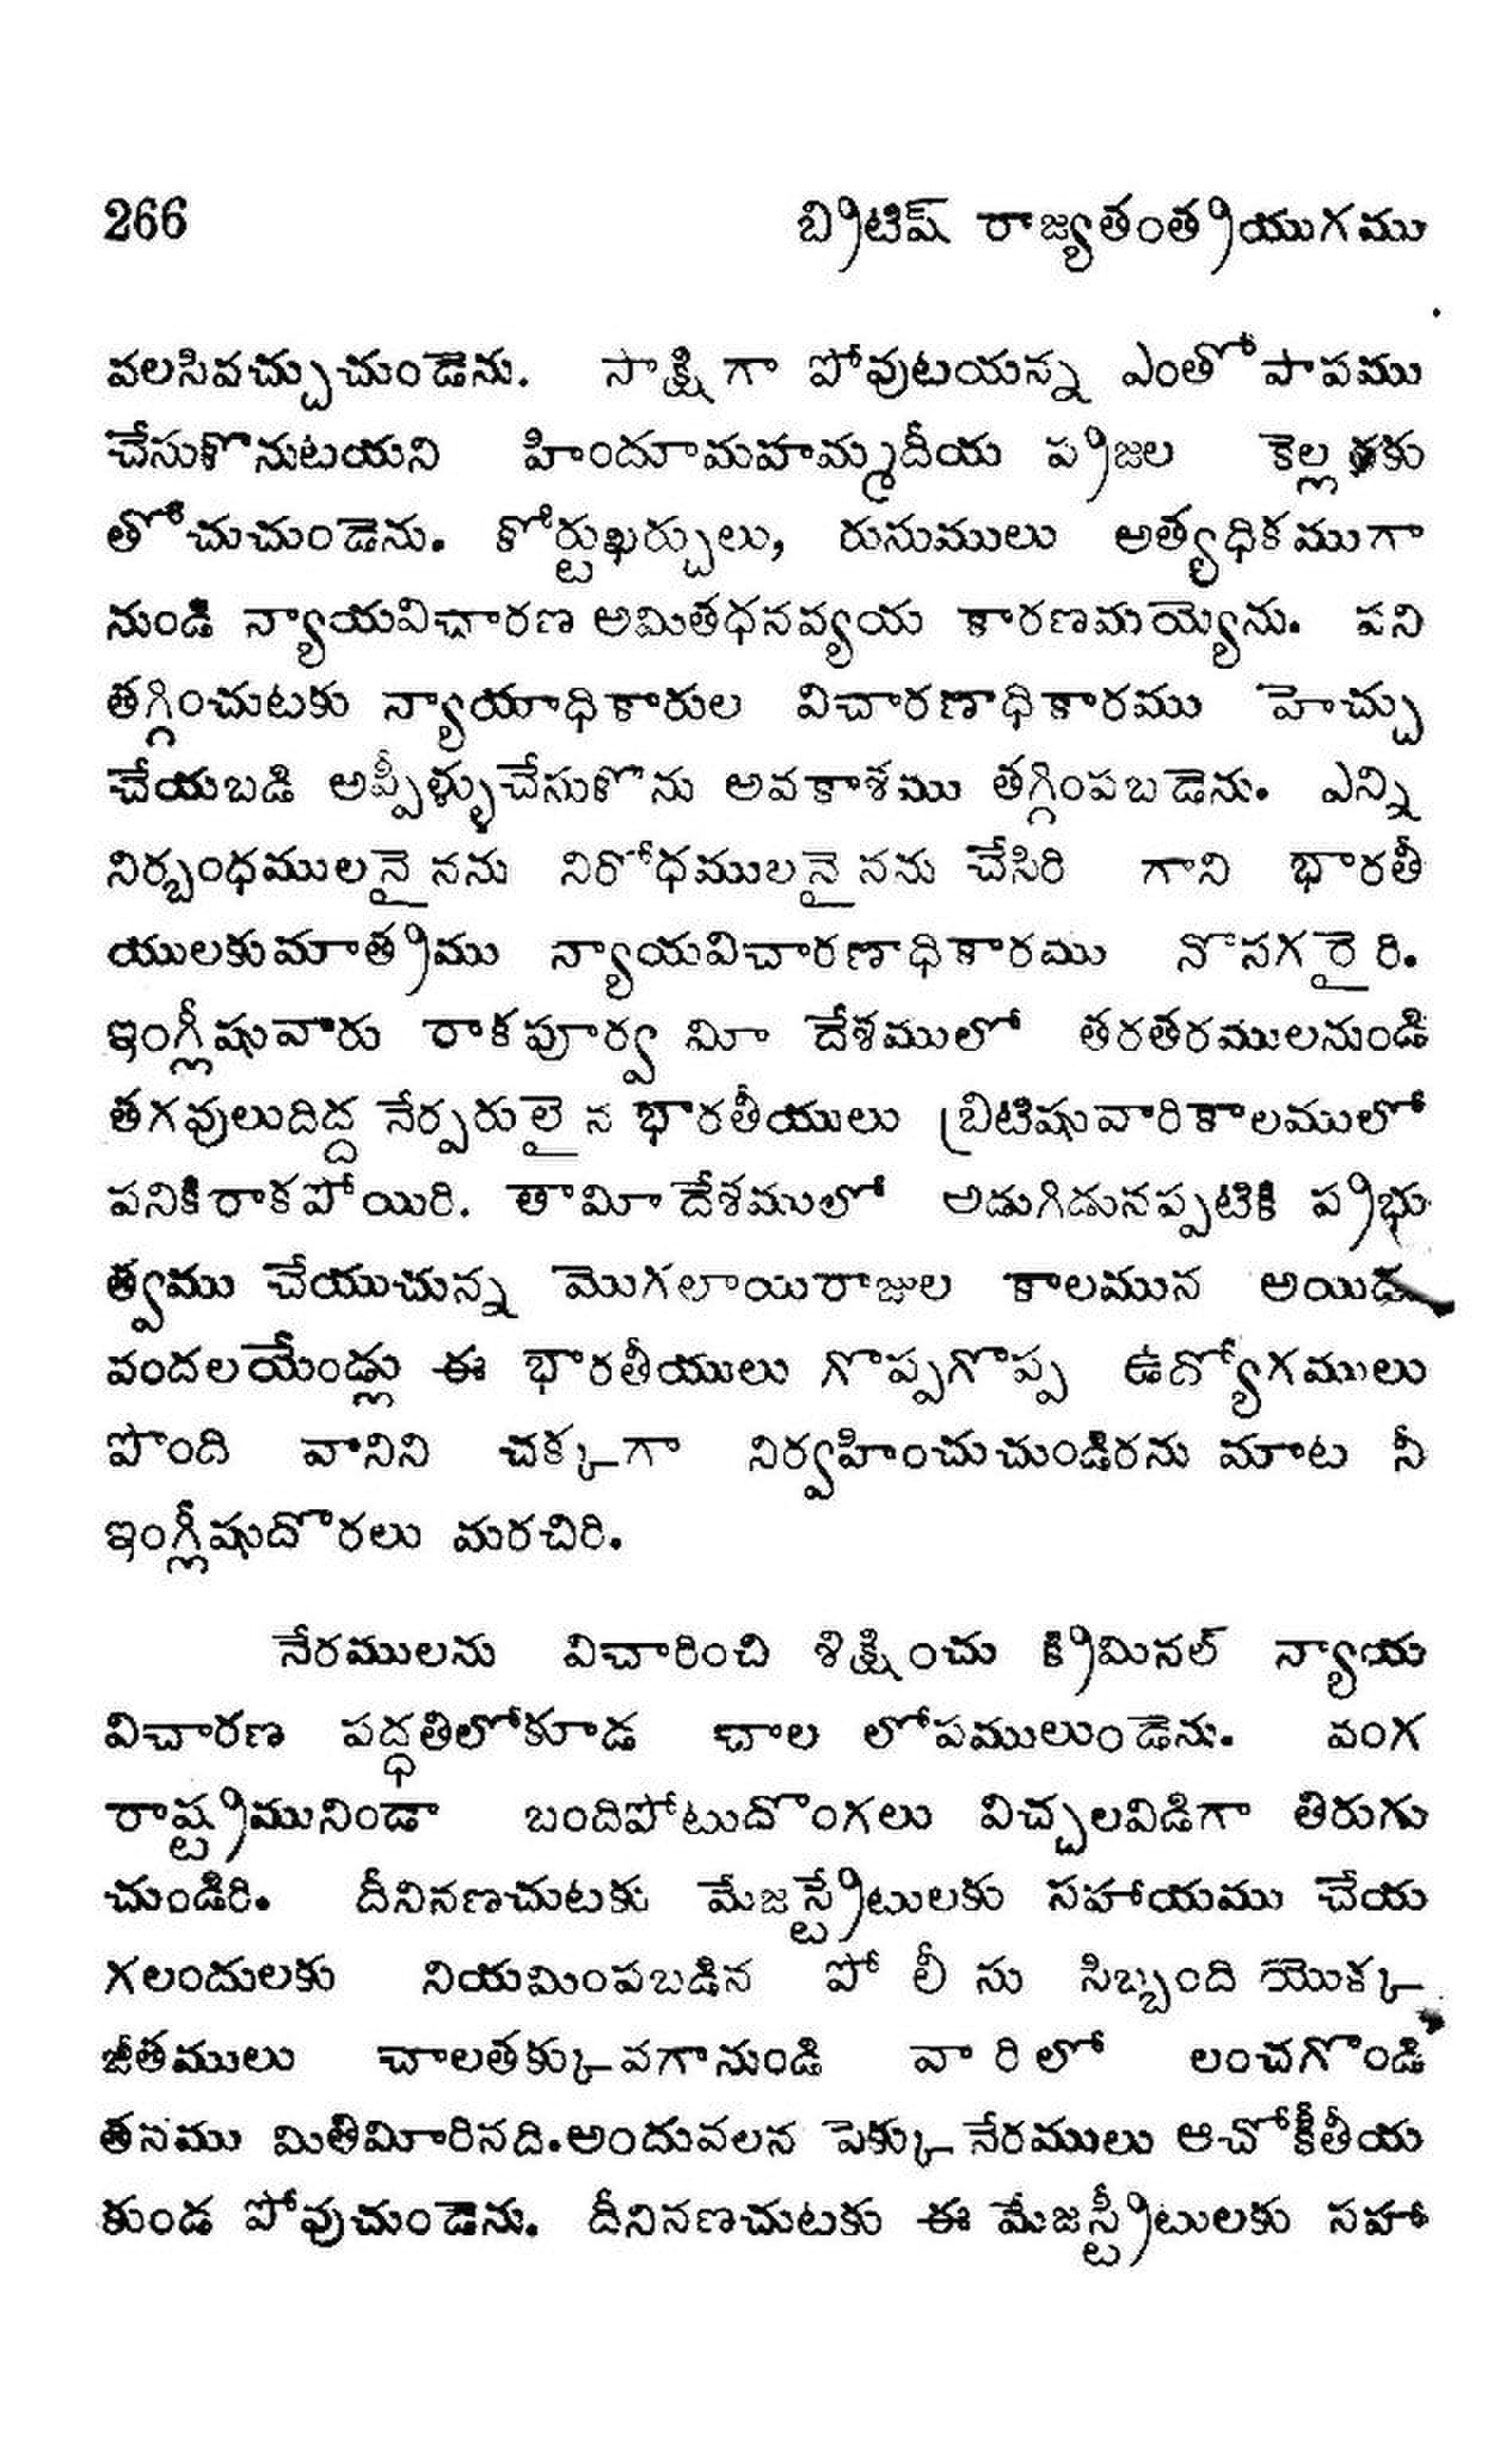వలసివచ్చుచుండెను. సాక్షిగా పోవుటయన్న ఎంతోపాపము చేసుకొనుటయని హిందూమహమ్మదీయ ప్రజల కెల్లరకు తోచుచుండెను. కోర్టుఖర్చులు, రుసుములు అత్యధికముగా నుండి న్యాయవిచారణ అమితధనవ్యయ కారణమయ్యెను. పని తగ్గించుటకు న్యాయాధికారుల విచారణాధికారము హెచ్చు చేయబడి అప్పీళ్ళుచేసుకొను అవకాశము తగ్గింపబడెను. ఎన్ని నిర్బంధములనైనను నిరోధములనైనను చేసిరి గాని భారతీయులకుమాత్రము న్యాయవిచారణాధికారము నొసగరైరి. ఇంగ్లీషువారు రాకపూర్వ మీ దేశములో తరతరములనుండి తగవులుదిద్ద నేర్పరులైన భారతీయులు బ్రిటిషువారికాలములో పనికిరాకపోయిరి. తామీదేశములో అడుగిడునప్పటికి ప్రభుత్వము చేయుచున్న మొగలాయిరాజుల కాలమున అయిదు వందలయేండ్లు ఈ భారతీయులు గొప్పగొప్ప ఉద్యోగములు పొంది వానిని చక్కగా నిర్వహించుచుండిరను మాట నీ ఇంగ్లీషుదొరలు మరచిరి.

నేరములను విచారించి శిక్షించు క్రిమినల్ న్యాయవిచారణ పద్దతిలోకూడ చాల లోపములుండెను. వంగరాష్ట్రమునిండా బందిపోటుదొంగలు విచ్చలవిడిగా తిరుగుచుండిరి. దీనినణచుటకు మేజస్ట్రీటులకు సహాయము చేయగలందులకు నియమింపబడిన పోలీసు సిబ్బందియొక్క. జీతములు చాలతక్కువగానుండి వారిలో లంచగొండితనము మితిమీరినది. అందువలన పెక్కు నేరములు ఆచోకీతీయకుండ పోవుచుండెను. దీనినణచుటకు ఈ మేజస్ట్రీటులకు సహా